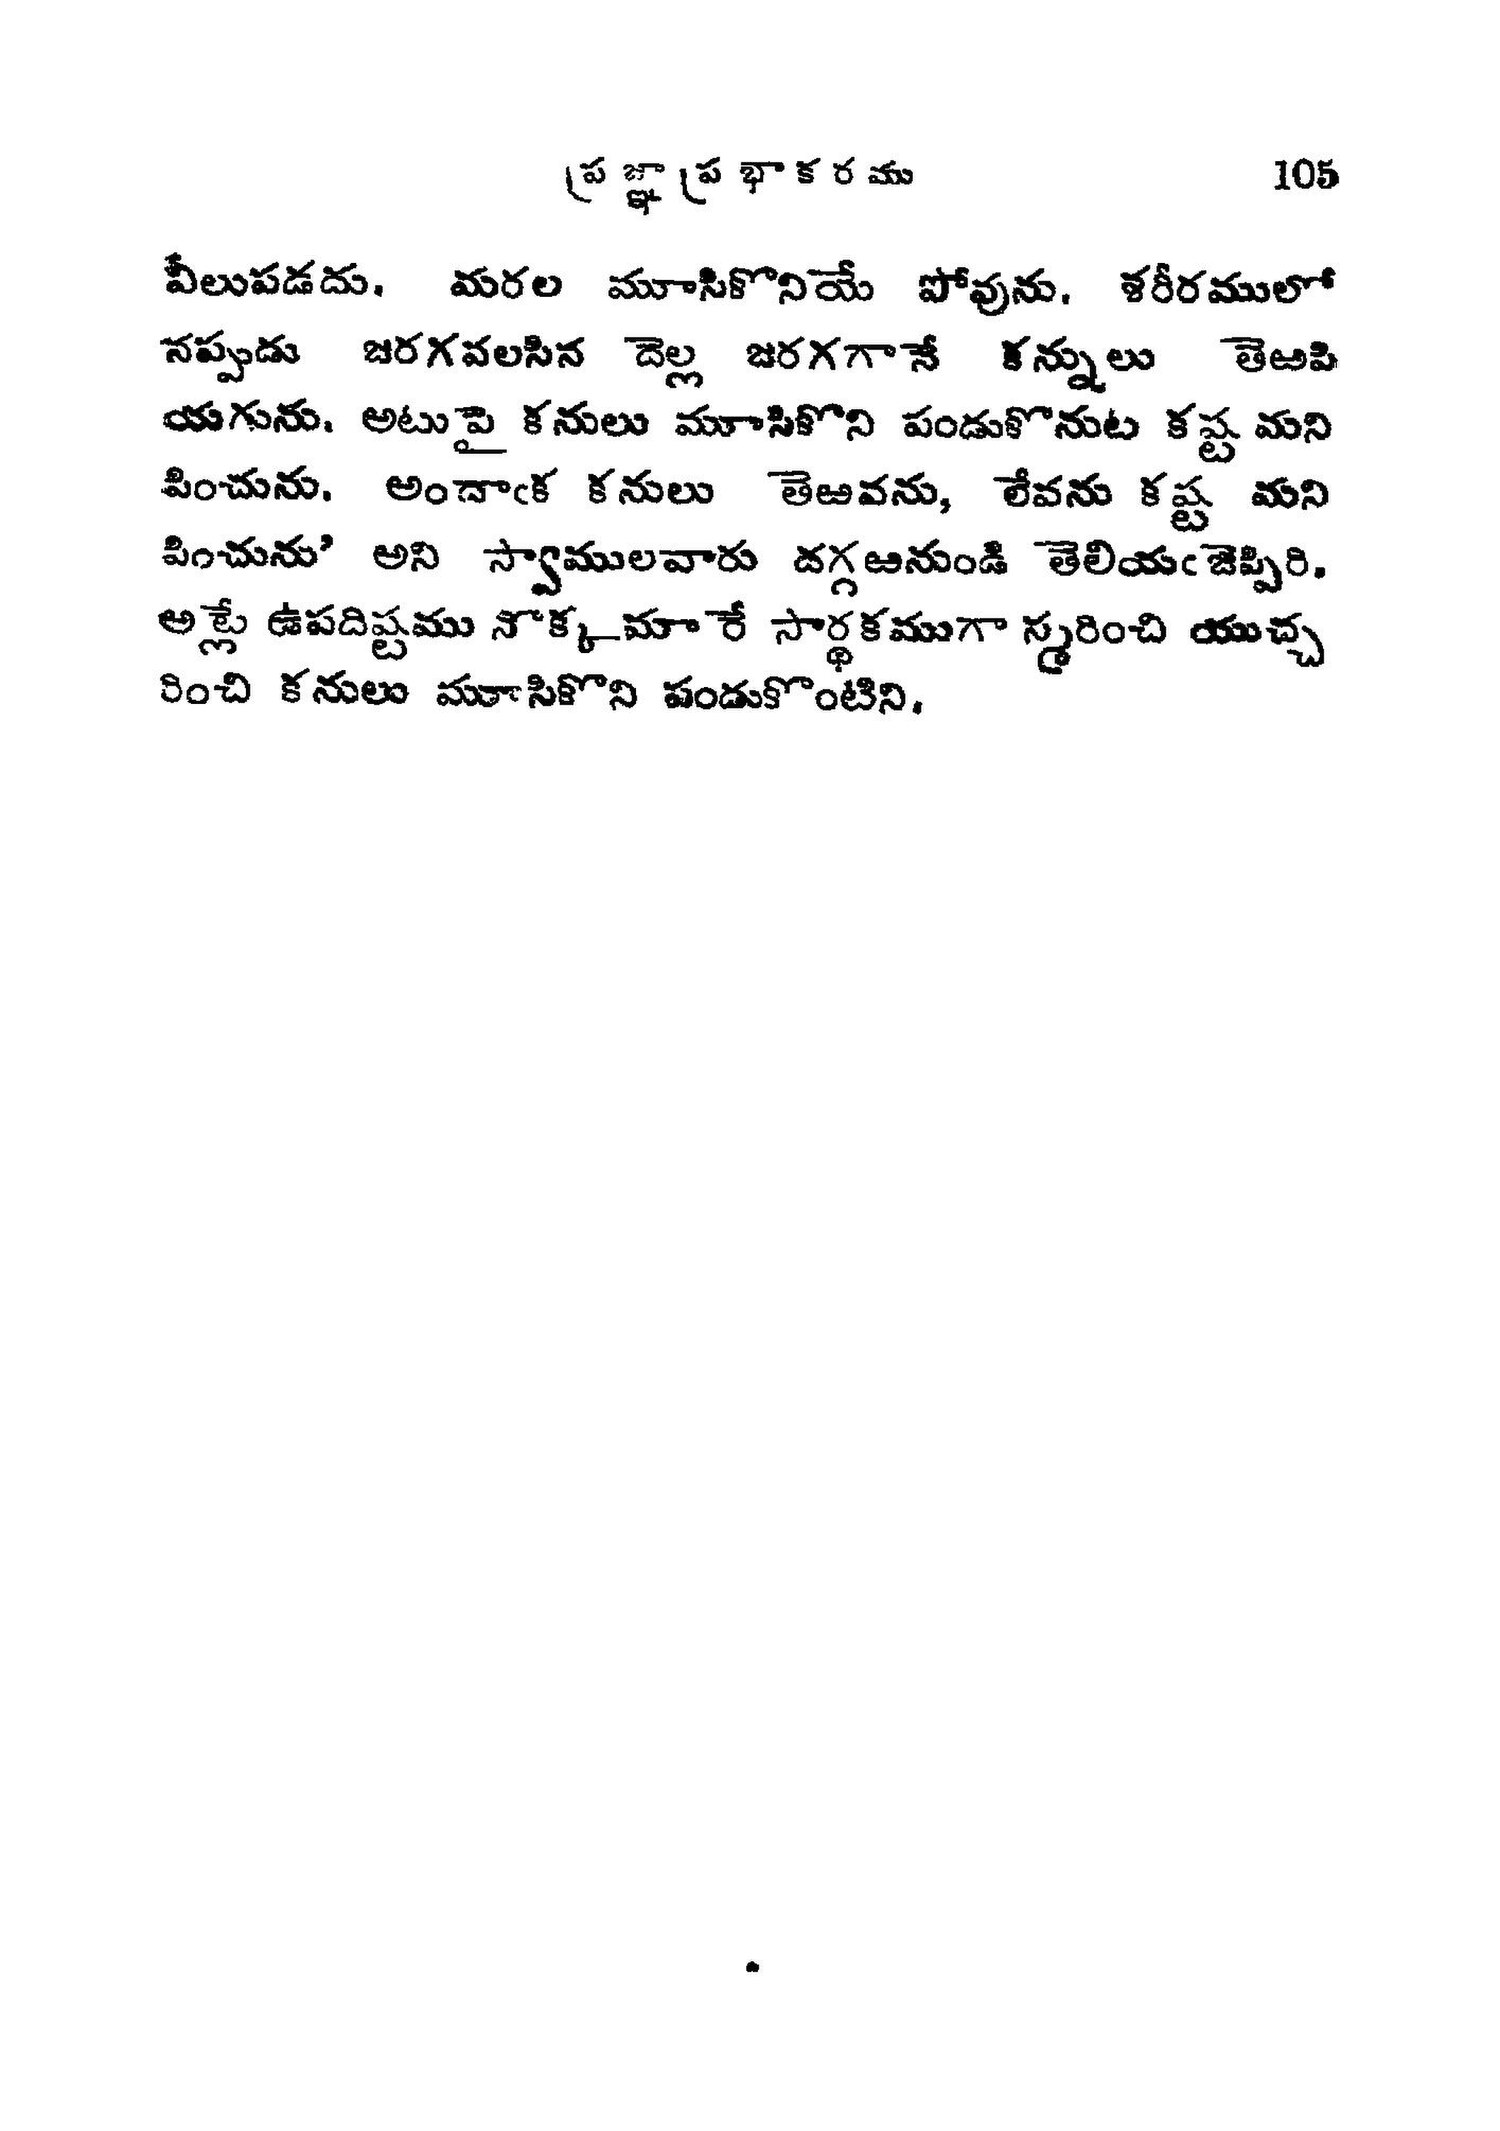యోగములో చేరిన తేది 22-6-1916. మిడియము సంఖ్య 330. వీలుపడదు. మరల మూసికొనియే పోవును. శరీరములో నప్పుడు జరగవలసిన దెల్ల జరగగానే కన్నులు తెఱపి యగును. అటుపై కనులు మూసికొని పండుకొనుట కష్టమని పించును. అందాఁ క కనులు తెఱవను, లేవను కష్ట మని పించును' అని స్వాముల వారు దగ్గఱ నుండి తెలియఁజెప్పిరి. అట్లే ఉపదిష్టము నొక్క మారే సార్ధకముగా స్మరించి యుచ్చరించి కనులు మూసికొని పండుకొంటిని.